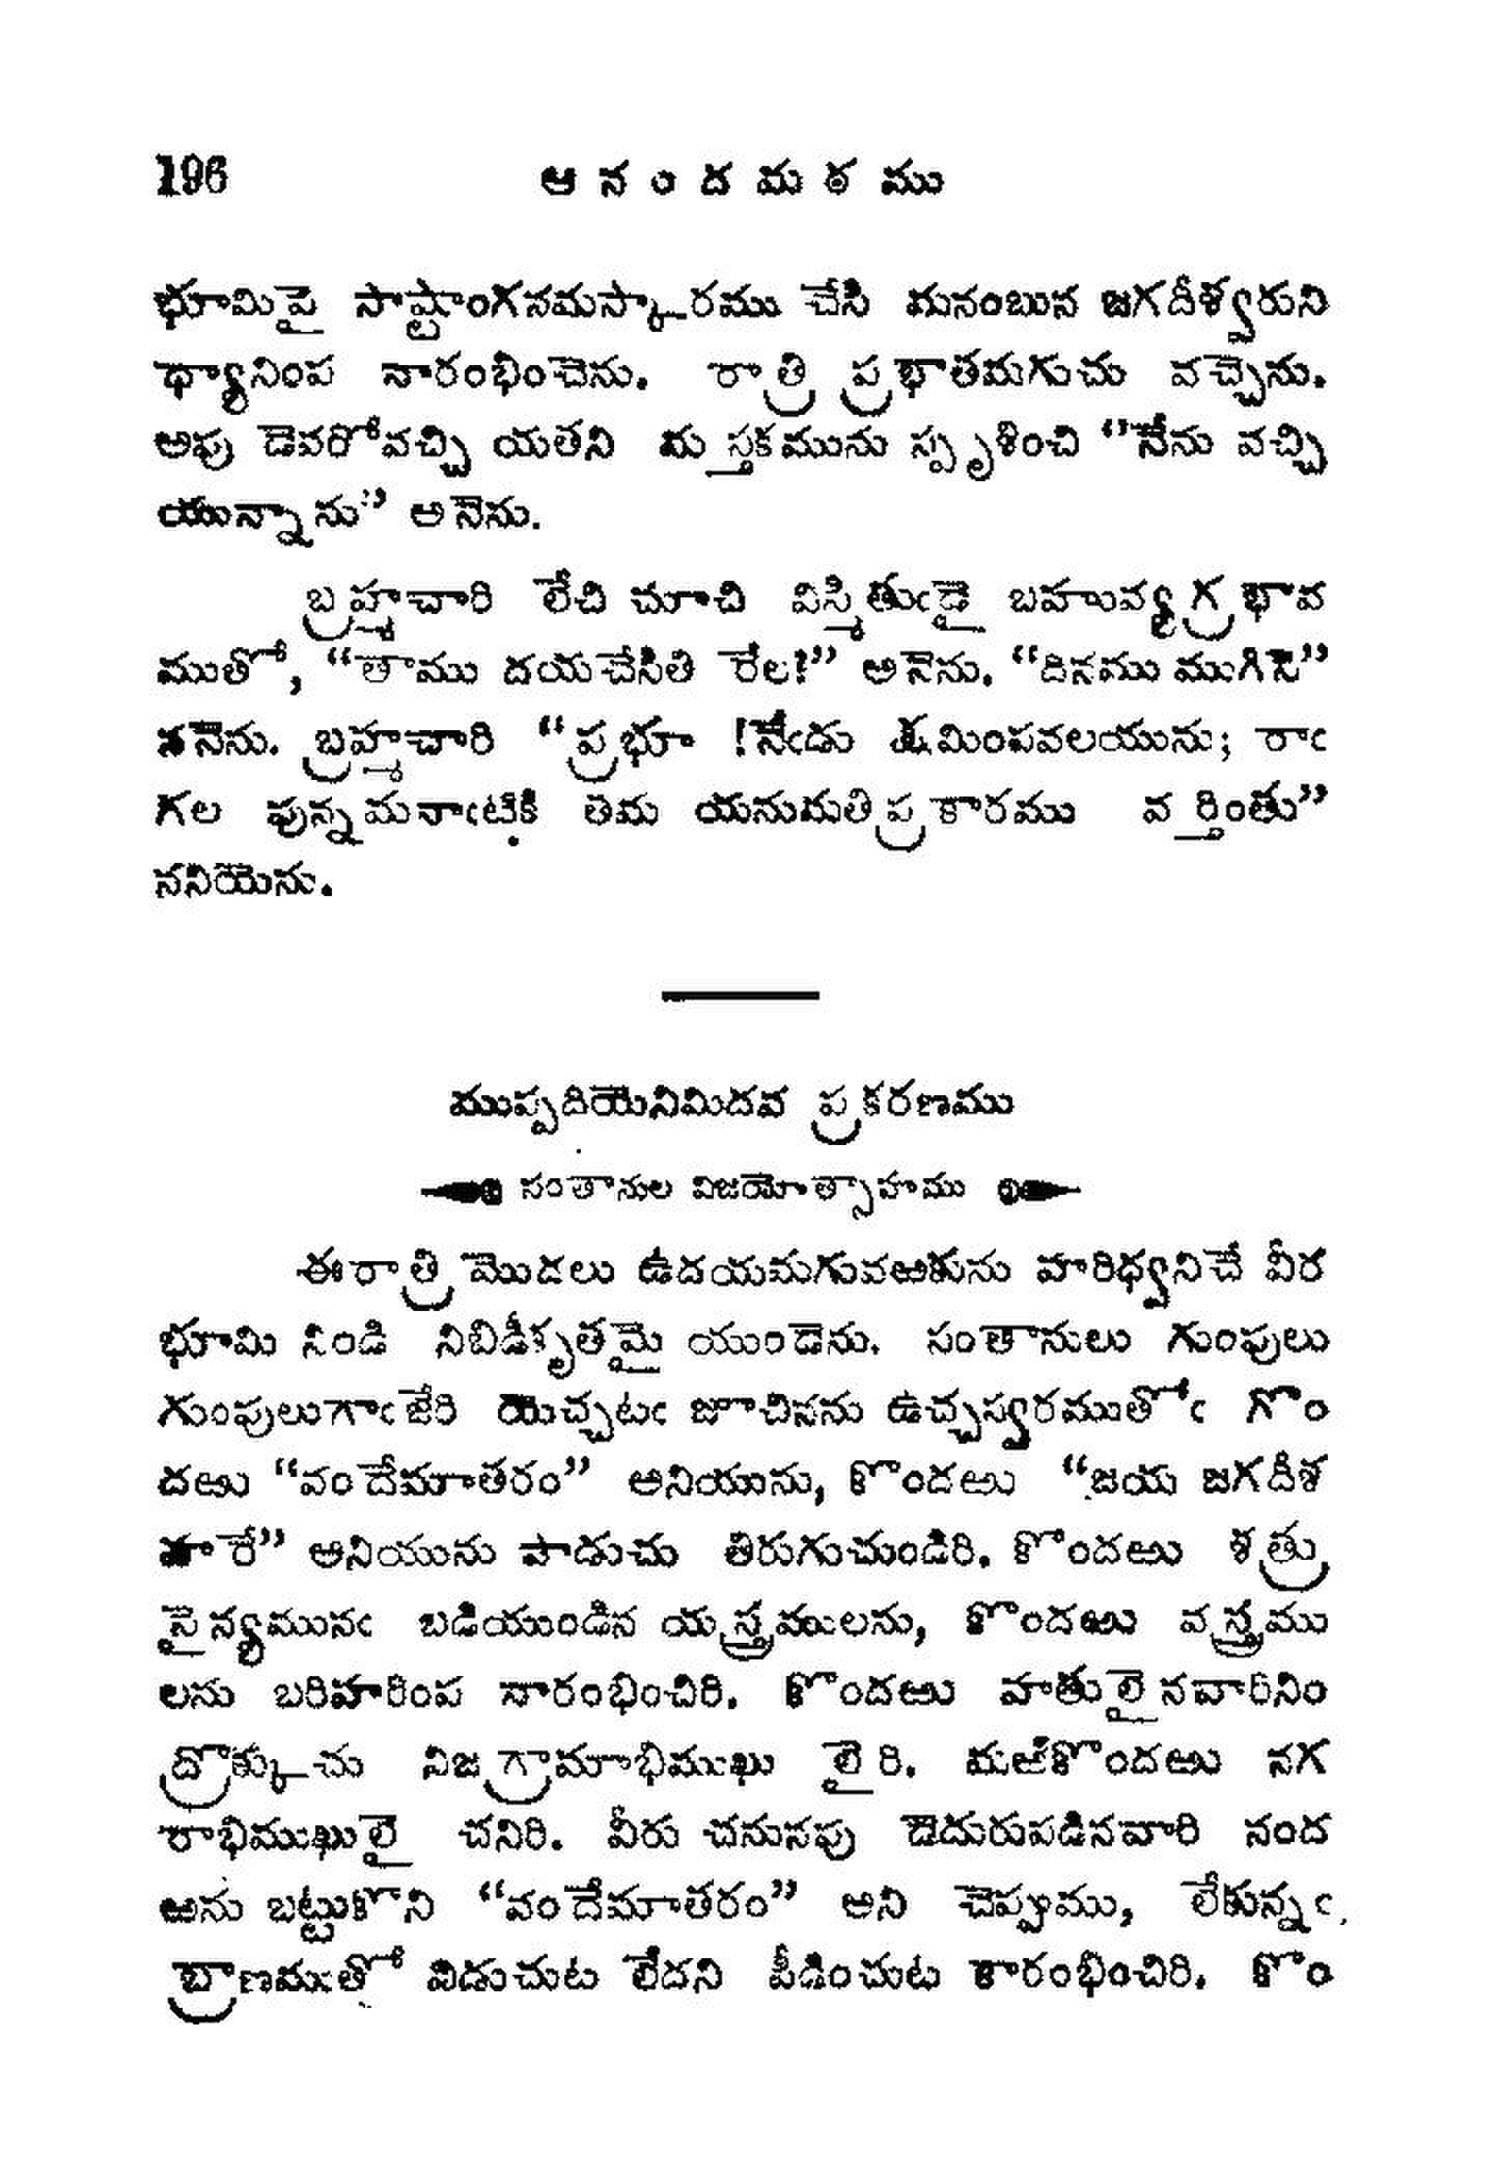భూమిపై సాష్టాంగ నమస్కారము చేసి మనంబున జగదీశ్వరుని ధ్యానింప నారంభించెను. రాత్రి ప్రభాతమగుచు వచ్చెను.
అపు డెవరోవచ్చి యతని మస్తకమును స్పృశించి "నేను వచ్చి యున్నాను" అనెను.

బ్రహ్మచారి లేచి చూచి విస్మితుఁడై బహువ్యగ్రభావముతో, "తాము దయ చేసితి రేల?” అనెను. “దినము ముగిసె"
ననెను. బ్రహ్మచారి “ప్రభూ ! నేఁడు క్షమింపవలయును; రాఁగల పున్నమనాఁటికి తమ యనుమతి ప్రకారము వర్తింతు”
ననియెను.

ముప్పడియెనిమిదవ ప్రకరణము

సంతానుల విజయోత్సాహము

ఈరాత్రి మొదలు ఉదయమగువఱకును హరిధ్వనిచే వీరభూమి నిండి నిబిడీకృతమై యుండెను, సంతానులు గుంపులు
గుంపులుగాఁ జేరి యెచ్చటఁ జూచినను ఉచ్చస్వరముతోఁ గొందఱు “వందేమాతరం” అనియును, కొందఱు "జయ జగదీశ
హరే” అనియును పాడుచు తిరుగుచుండిరి. కొందఱు శత్రు సైన్యమునఁ బడియుండిన యస్త్రములను, కొందఱు వస్త్రము
లను బరిహరింప నారంభించిరి. కొందఱు హతులైనవారినిం ద్రోక్కుచు నిజ గ్రామాభిముఖు లైరి. మఱికొందఱు నగ
రాభిముఖులై చనిరి. వీరు చనునపు డెదురుపడినవారి నందఱను బట్టుకొని “వందేమాతరం” అని చెప్పుము, లేకున్నఁ,
బ్రాణముతో విడుచుట "లేదని పీడించుట కారంభించిరి. కొం